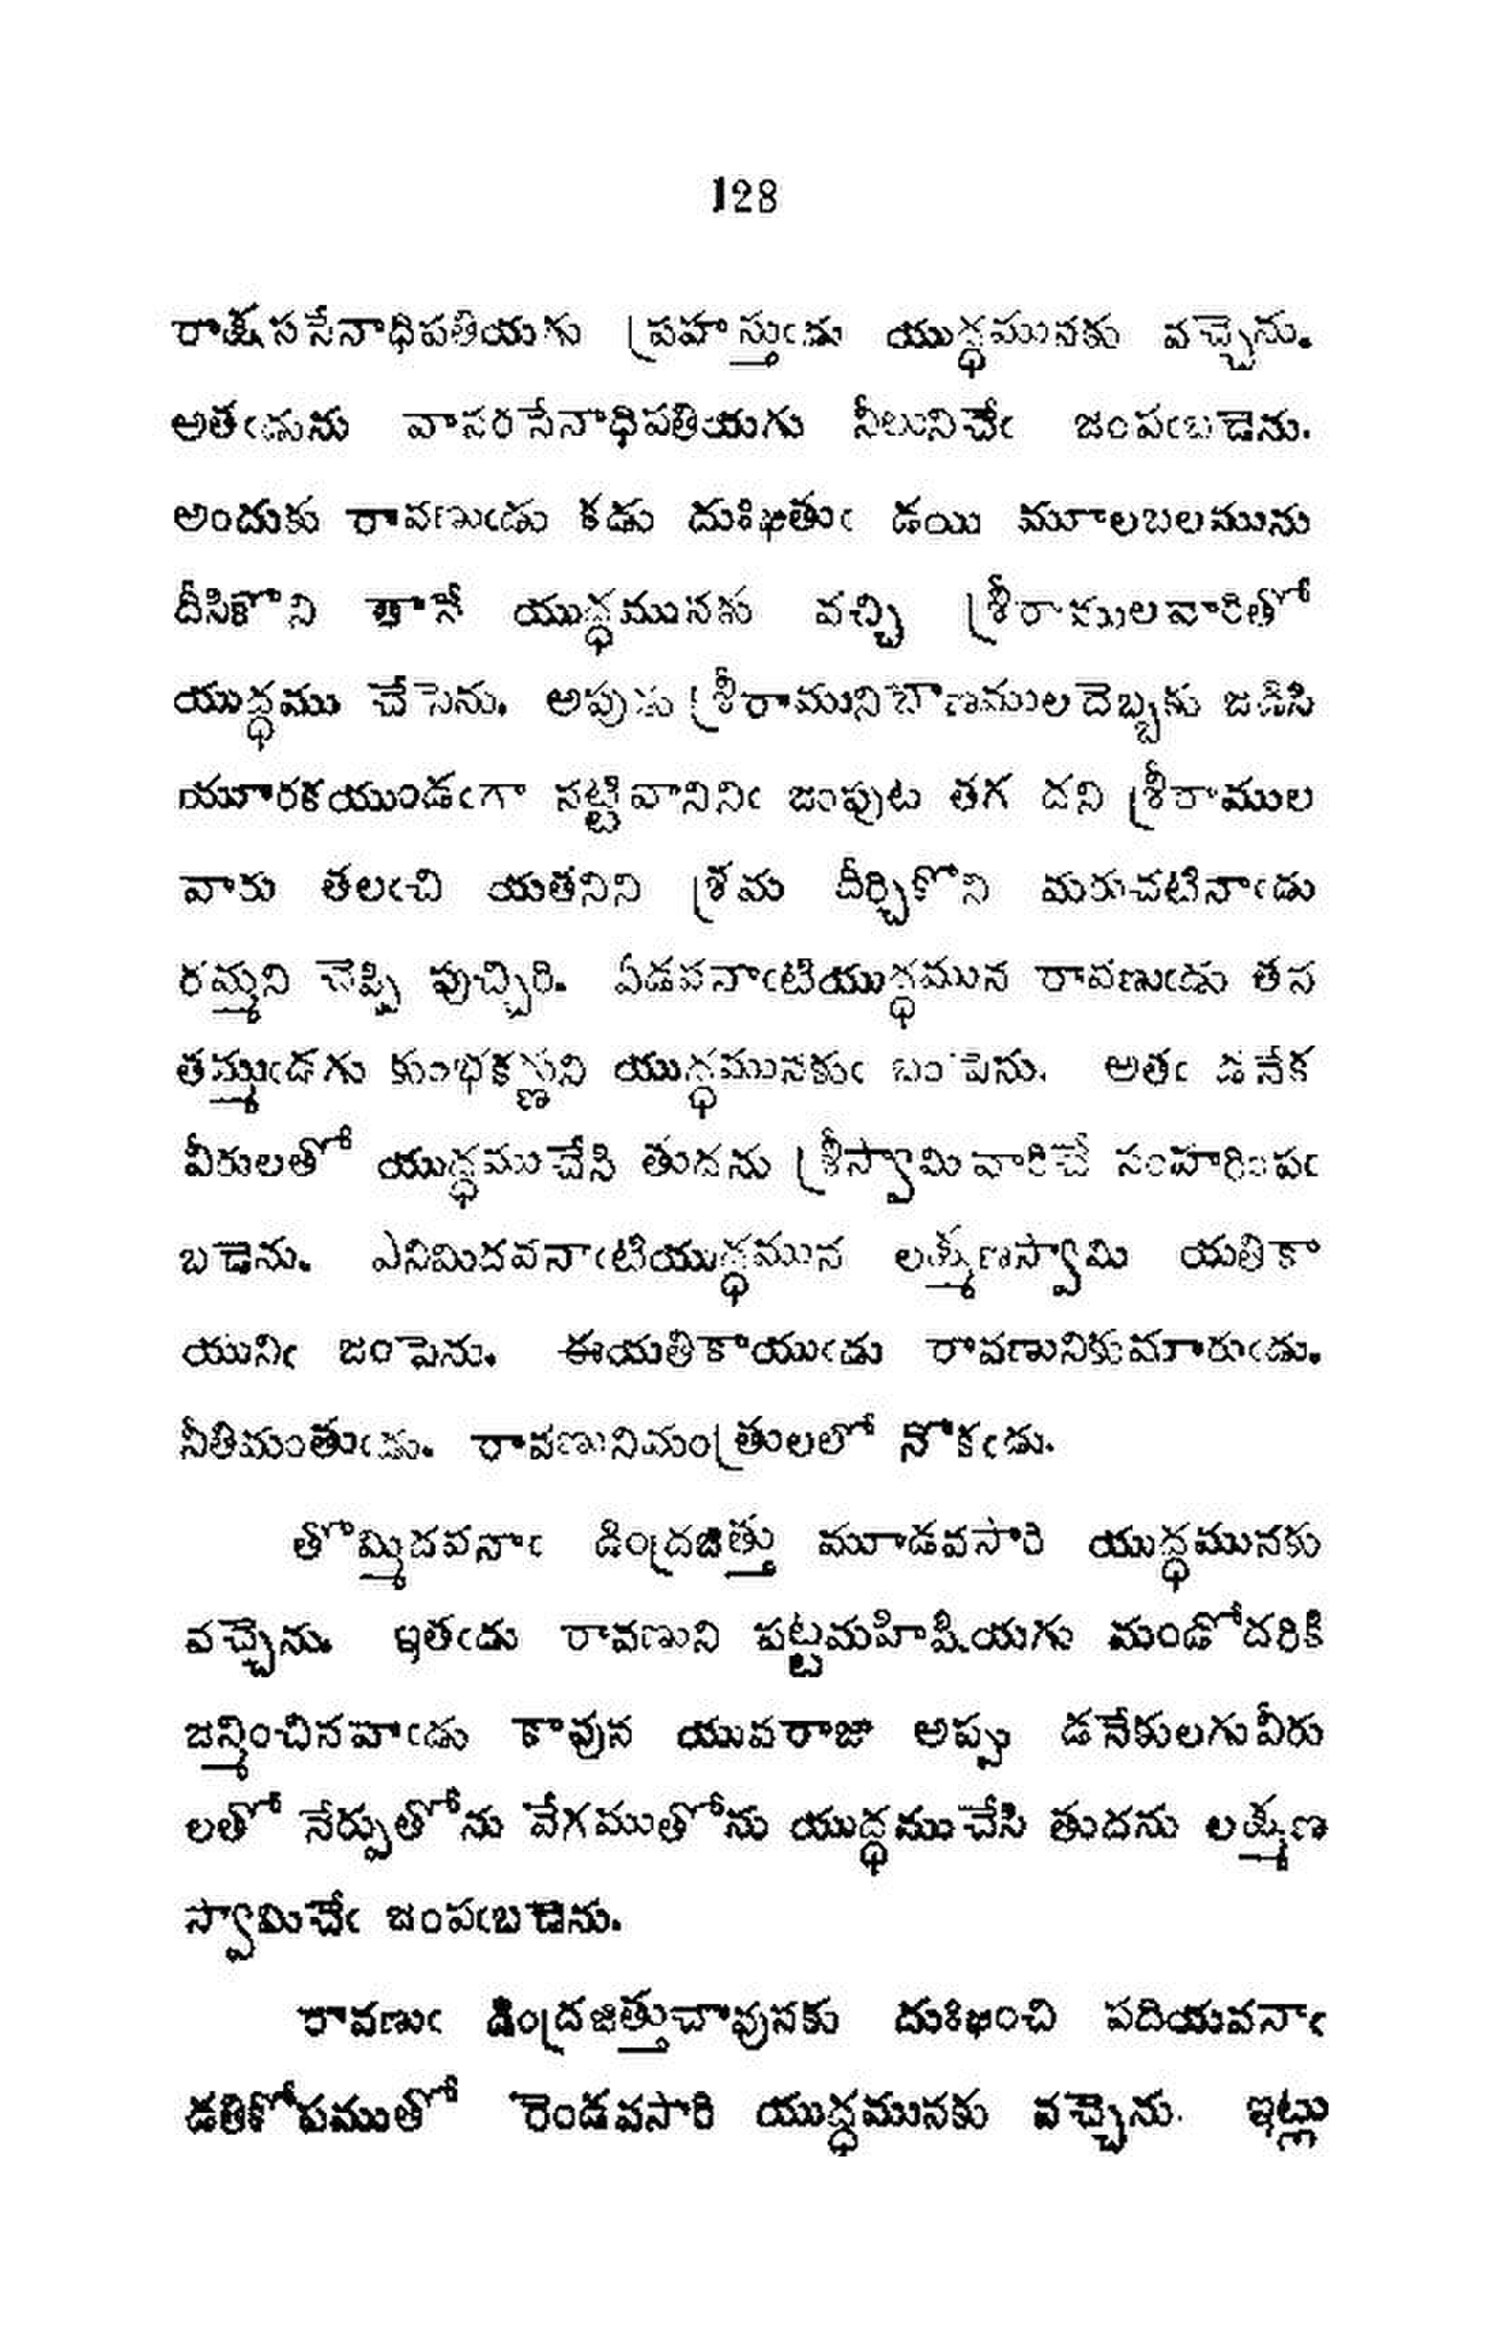రాక్షససేనాధిపతియగు ప్రహస్తుఁడు యుద్ధమునకు వచ్చెను. అతఁడును వానరసేనాధిపతియగు నీలునిచేఁ జంపఁబడెను. అందుకు రావణుఁడు కడు దుఃఖితుఁ డయి మూలబలమును దీసికొని తానే యుద్ధమునకు వచ్చి శ్రీరాములవారితో యుద్ధము చేసెను. అపుడు శ్రీరామునిబాణములదెబ్బకు జడిసి యూరకయుండఁగా నట్టివానినిఁ జంపుట తగ దని శ్రీరాముల వారు తలఁచి యతనిని శ్రమ దీర్చికొని మరుచటినాఁడు రమ్మని చెప్పి పుచ్చిరి. ఏడవనాఁటియుద్ధమున రావణుఁడు తనతమ్ముఁడగు కుంభకర్ణుని యుద్ధమునకుఁ బంపెను. అతఁ డనేక వీరులతో యుద్ధముచేసి తుదను శ్రీస్వామివారిచే సంహరింపఁ బడెను. ఎనిమిదవనాఁటియుద్ధమున లక్ష్మణస్వామి యతికాయునిఁ జంపెను. ఈయతికాయుఁడు రావణునికుమారుఁడు. నీతిమంతుఁడు. రావణునిమంత్రులలో నొకఁడు.

తొమ్మిదవనాఁ డింద్రజిత్తు మూడవసారి యుద్ధమునకు వచ్చెను. ఇతఁడు రావణుని పట్టమహిషియగు మండోదరికి జన్మించినవాడు కావున యువరాజు అప్పు డనేకులగువీరులతో నేర్పుతోను వేగముతోను యుద్ధముచేసి తుదను లక్ష్మణస్వామిచేఁ జంపఁబడెను.

రావణుఁ డింద్రజిత్తుచావునకు దుఃఖించి పదియవనాఁ డతికోపముతో రెండవసారి యుద్ధమునకు వచ్చెను. ఇట్లు